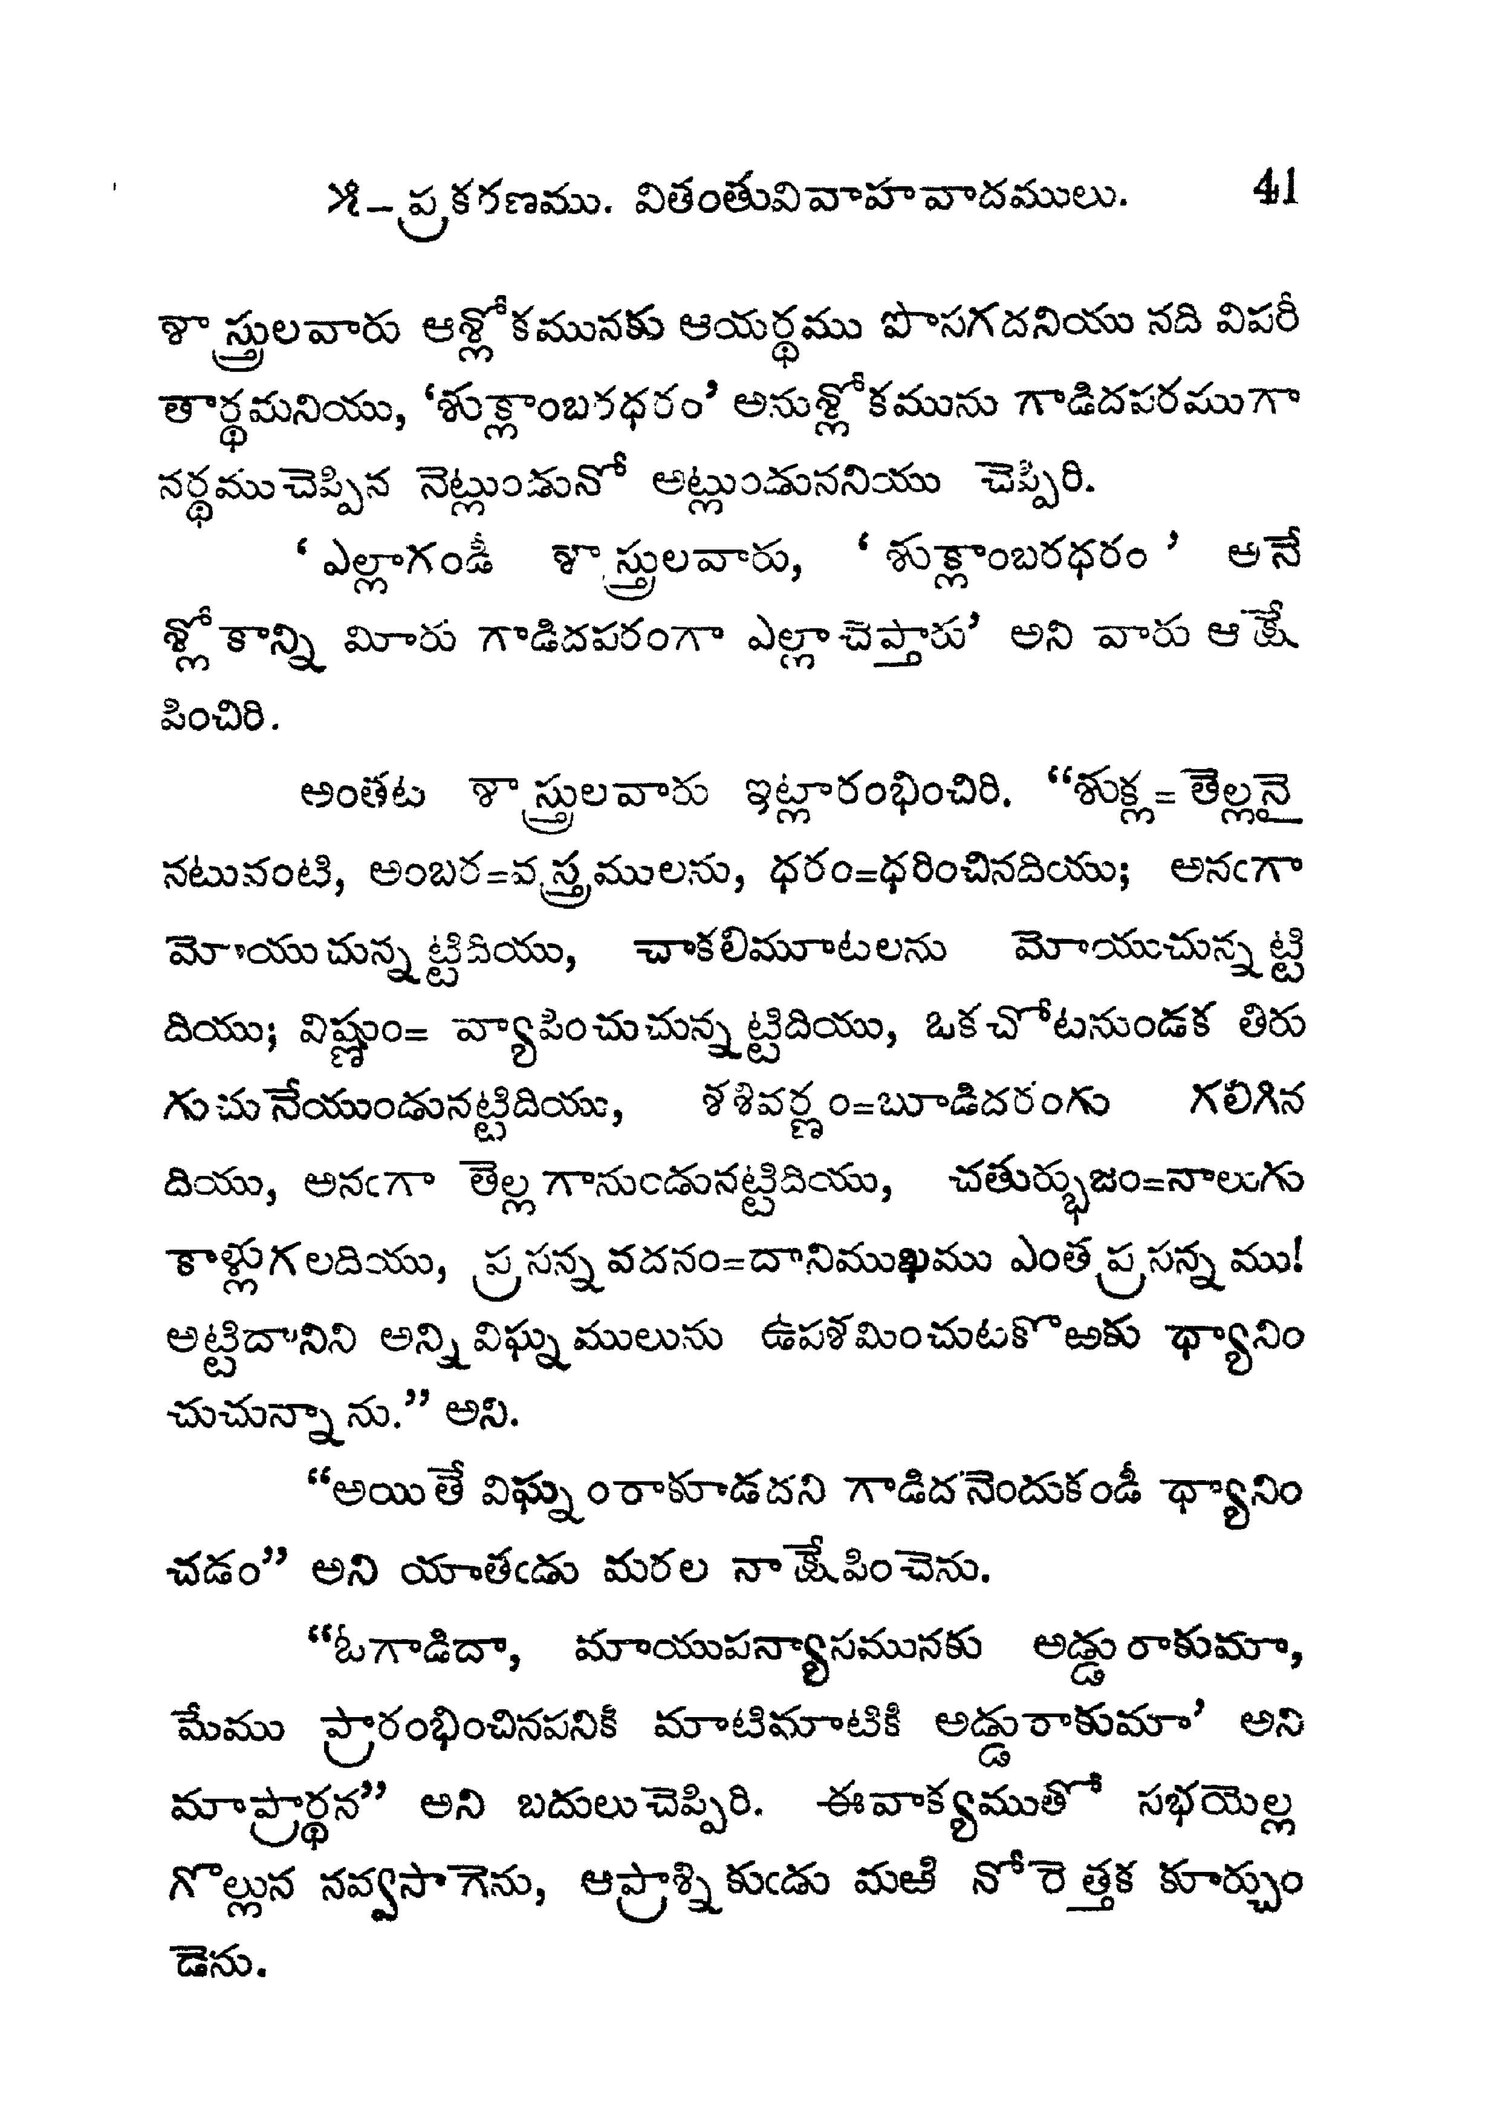శాస్త్రులవారు ఆశ్లోకమునకు ఆయర్థము పొసగదనియు నది విపరీతార్థమనియు, 'శుక్లాంబరధరం' అనుశ్లోకమును గాడిదపరముగా నర్థముచెప్పిన నెట్లుండునో అట్లుండుననియు చెప్పెరి.

'ఎల్లాగండీ శాస్త్రులవారు, 'శుక్లాంబరధరం' అనేశ్లోకాన్ని మీరు గాడిదపరంగా ఎల్లాచెప్తారు. అని వారు ఆక్షేపించిరి.

అంతట శాస్త్రులవారు ఇట్లారంభించిరి. "శుక్ల=తెల్లనై నటువంటి, అంబర=వస్త్రములను, ధర=ధరించినదియు; అనగా మోయుచున్నట్టిదియు, చాకలిమూటలను మోయుచున్నట్టిదియు; విష్ణుం=వ్యాపించుచున్నట్టిదియు, ఒకచోటనుండక తిరుగుచునేయుండునట్టిదియు, శశివర్ణం=బూడిదరంగు గలిగినదియు, అనగా తెల్లగానుండునట్టిదియు, చతుర్భుజం=నాలుగు కాళ్లుగలదియు, ప్రసన్నవదనం=దానిముఖము ఎంత ప్రసన్నము! అట్టిదానిని అన్ని విఘ్నములును ఉపశమించుటకొఱకు థ్యానించుచున్నాను." అని.

"అయితే విఘ్నంరాకూడదని గాడిదనెందుకండీ థ్యానించడం" అని యాతడు మరల నాక్షేపించెను.

"ఓగాడిదా, మాయుపన్యాసమునకు అడ్డు రాకుమా, మేము ప్రారంభించినపనికి మాటిమాటికి అడ్డురాకుమా' అని మాప్రార్థన" అని బదులుచెప్పిరి. ఈవాక్యముతో సభయెల్ల గొల్లున నవ్వసాగెను, ఆప్రాశ్నికుడు మఱి నోరెత్తక కూర్చుండెను.